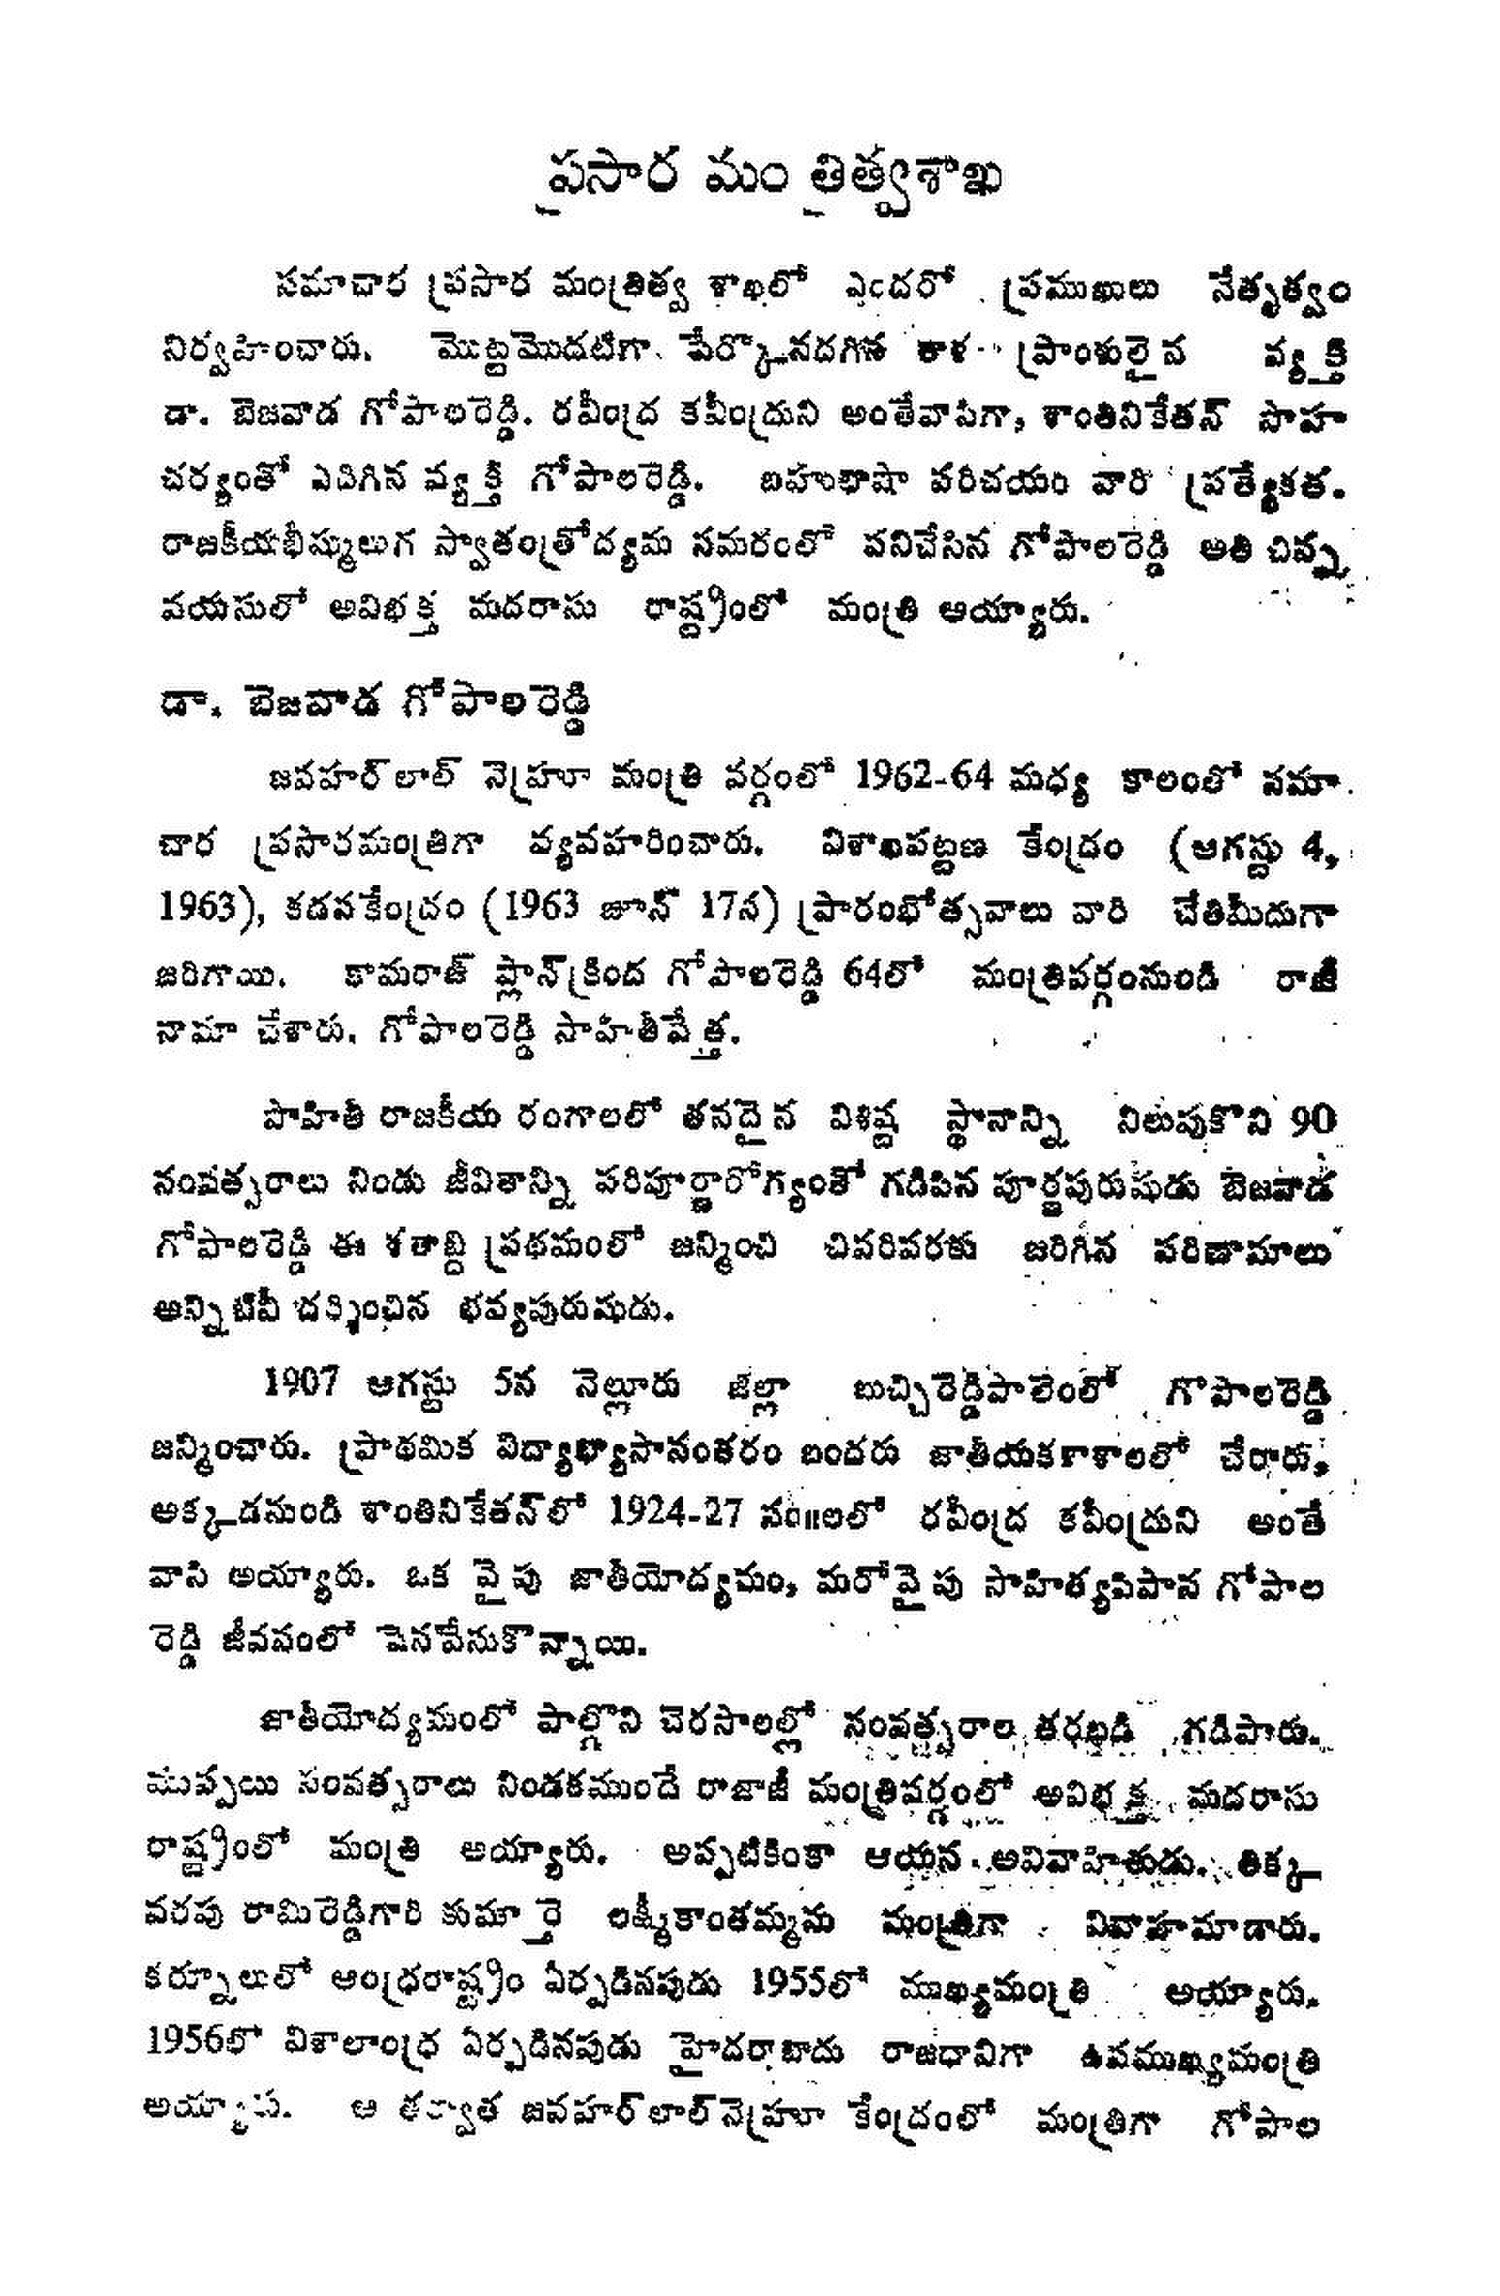సమాచార ప్రసార మంత్రిత్వ శాఖలో ఎందరో ప్రముఖులు నేతృత్వం నిర్వహించారు. మొట్టమొదటిగా పేర్కొనదగిన తాళ?? ప్రాంశులైన వ్యక్తి డా. బెజవాడ గోపాలరెడ్డి. రవీంద్ర కవీంద్రుని అంతేవాసిగా, శాంతి నికేతన్ సాహచర్యంతో ఎదిగిన వ్యక్తి గోపాలరెడ్డి. బహుభాషా పరిచయం వారి ప్రత్యేకత. రాజకీయ భీష్ములుగ స్వాతంత్రోద్యమ సమరంలో పనిచేసిన గోపాలరెడ్డి అతి చిన్న వయసులో అవిభక్త మదరాసు రాష్ట్రంలో మంత్రి అయ్యారు.

జవహర్ లాల్ నెహ్రూ మంత్రి వర్గంలో 1962-64 మధ్య కాలంలో సమాచార ప్రసారమంత్రిగా వ్యవహరించారు. విశాఖపట్టణ కేంద్రం (ఆగష్టు 4, 1963), కడప కేంద్రం (జూన్ 17, 1963) ప్రారంభోత్సవాలు వీరి చేతిమీదుగా జరిగాయి. కామరాజ్ ప్లాన్ క్రింద గోపాలరెడ్డి 64లో మంత్రివర్గం నుండి రాజీనామా చేశారు. గోపాలరెడ్డి సాహితీవేత్త.

సాహితీ రాజకీయ రంగాలలో తనదైన విశిష్ట స్థానాన్ని నిలుపుకొని 90 సంవత్సరాల నిండు జీవితాన్ని పరిపూర్ణారోగ్యంతో గడిపిన పూర్ణపురుషుడు బెజవాడ గోపాలరెడ్డి. ఈ శతాబ్ది ప్రథమంలో జన్మించి చివరి వరకు జరిగిన పరిణామాలు అన్నిటినీ దర్శించిన భవ్యపురుషుడు.

1907 ఆగష్టు 5న నెల్లూరు జిల్లా బుచ్చిరెడ్డిపాలెంలో గోపాలరెడ్డి జన్మించారు. ప్రాథమిక విద్యాభ్యాసానంతరం బందరు జాతీయ కళాశాలలో చేరారు. అక్కడ నుండి శాంతి నికేతన్ లో 1924-27 సం॥ లలో రవీంద్ర కవీంద్రుని అంతే వాసి అయ్యారు. ఒక వైపు జాతీయోద్యమం మరోవైపు సాహిత్యపిపాస గోపాలరెడ్డి జీవనంలో పెనవేసుకొన్నాయి.

జాతీయోద్యమంలో పాల్గొని చెరసాలల్లో సంవత్సరాల తరబడి గడిపారు. ముప్పయి సంవత్సరాలు నిండకముందే రాజాజీ మంత్రివర్గంలో అవిభక్త మదరాసు రాష్ట్రంలో మంత్రి అయ్యారు. అప్పటికింకా ఆయన అవివాహితుడు. తిక్కవరపు రామిరెడ్డిగారి కుమార్తె లక్ష్మీకాంతమ్మను మంత్రిగా వివాహమాడారు. కర్నూలులో ఆంధ్రరాష్ట్రం ఏర్పడినపుడు 1955లో ముఖ్యమంత్రి అయ్యారు. 1956లో విశాలాంధ్ర ఏర్పడినపుడు హైదరాబాదు రాజధానిగా ఉపముఖ్యమంత్రి అయ్యారు. ఆ తర్వాత జవహర్‌లాల్ నెహ్రూ కేంద్రంలో మంత్రిగా గోపాల